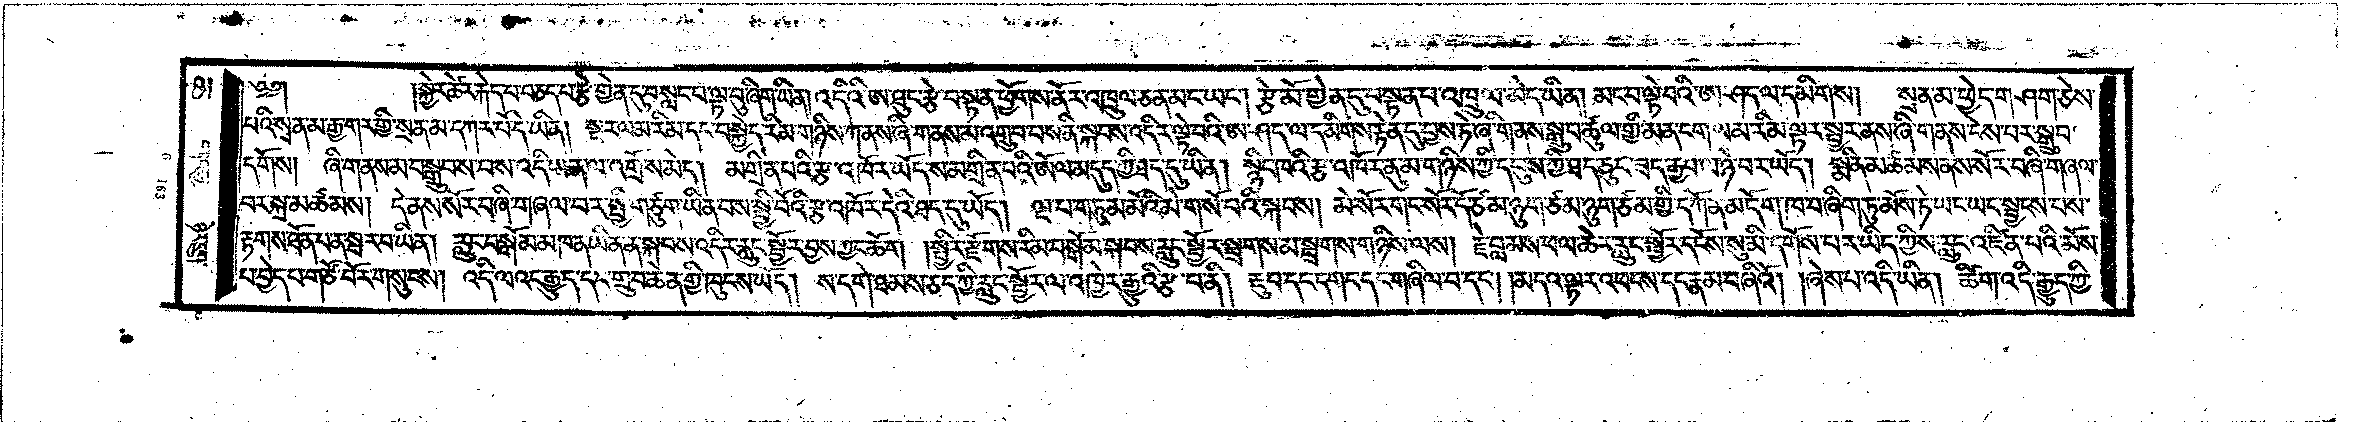༄༅། །སྐྱེར་ཚེར་རྐེད་བ་བཅད་པ་རྩེ་གྱེན་དུ་བསླབ་བལྟ་བུ་ཞིག་ཡིན། འདིའི་ཨ་ཐུང་རྩེ་བསྟན་ཕྱོགས་ནོར་འཁྲུལ་ཅན་མང་ཡང་། རྩེ་མོ་གྱེན་དུ་བསྟན་པ་འཁྲུལ་མེད་ཡིན། མང་བ་ལྟེ་བའི་ཨ་ཤད་ལ་དམིགས། སྲན་མ་ཕྱེད་གཤག་ཅེས་
པའི་སྲན་མ་རྒྱ་གར་གྱི་སྲན་མ་དཀར་པོ་དེ་ཡིན། སྔར་ལམ་རིམ་དང་བསྐྱེད་རིམ་གཉིས་ཀ་ནས་ཞི་གནས་མ་འགྲུབ་པས་ནི་སྐབས་འདིར་ལྟེ་བའི་ཨ་ཤད་ལ་དམིགས་རྟེན་དུ་བྱས་ཏེ་ཞི་གནས་སྒྲུབ་ཚུལ་གྱི་མན་ངག་ལམ་རིམ་ལྟར་སྦྱར་ནས་ཞི་གནས་ངེས་པར་སྒྲུབ་
དགོས། ཞི་གནས་མ་བསྒྲུབས་པས་འདི་ཡན་ལ་འགྲོ་ས་མེད། མགྲིན་པའི་རྩ་འཁོར་ཡོད་ས་མགྲིན་པའི་ཨོལ་མདུད་ཀྱི་ཐད་དུ་ཡིན། སྙིང་ཁའི་རྩ་འཁོར་ནུ་མ་གཉིས་ཀྱི་དངུས་ཀྱི་ཐད་ཅུང་ཟད་རྒྱབ་ལ་ཉེ་བར་ཡོད། སྨིན་མཚམས་ནས་སོར་བཞི་གཞལ་
བར་སྐྲ་མཚམས། དེ་ནས་སོར་བཞི་གཞལ་བར་སྤྱི་གཙུག་ཡིན་བས་སྤྱི་བོའི་རྩ་འཁོར་དེའི་ཐད་དུ་ཡོད། ལྔ་པ་གཏུམ་མོའི་མེ་གསོ་བའི་སྐབས། མེ་སོར་གང་སོར་དོ་ཙམ་ཉུག་ཙམ་གྱི་དཀོན་མདོག་ཁ་བ་ཞིག་ཏུ་མོས་ཏེ་ཡང་ཡང་སྦྱངས་པས་
རྟགས་ཐོན་པ་ན་སྦར་བ་ཡིན། རླུང་བསྒོམ་མཁན་ཡིན་ན་སྐབས་འདིར་རླུང་སྦྱོར་བྱས་ཀྱང་ཆོག །སྤྱིར་རྫོགས་རིམ་བསྒོམ་སྐབས་རླུང་སྦྱོར་སྦྲགས་མ་སྦྲགས་གཉིས་ལས། རྗེ་བླ་མས་ཕལ་ཆེར་རླུང་སྦྱོར་དངོས་སུ་མི་དགོས་པར་ཡིད་ཀྱིས་རླུང་འཛིན་པའི་མོས་
པ་བྱེད་པ་གཙོ་བོར་གསུངས། འདི་ལའང་རྒྱུད་དང་གྲུབ་ཆེན་གྱི་ཁུངས་ཡོད། ས་དགེ་ཐམས་ཅད་ཀྱི་རླུང་སྦྱོར་ལ་འཁྱེར་རྒྱུའི་རྩ་བ་ནི། རྡུབ་དང་དགང་དང་གཞིལ་བ་དང་། །མདའ་ལྟར་འཕངས་དང་རྣམ་བཞིའོ། །ཞེས་པ་འདི་ཡིན། ཚིག་འདི་རྒྱུད་ཀྱི་